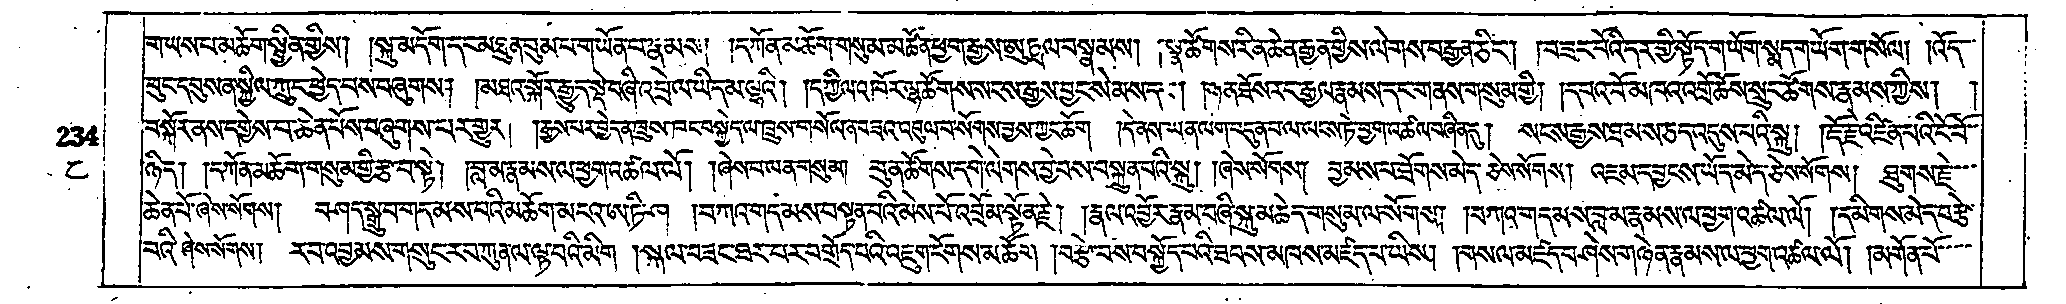གཡས་པ་མཆོག་སྦྱིན་གྱིས། །སྐུ་མདོག་དང་མཐུན་བུམ་པ་གཡོན་པ་རྣམས། །དཀོན་མཆོག་གསུམ་མཚོན་ཕྱག་རྒྱས་ཨུཏྤལ་བསྣམས། །སྣ་ཚོགས་རིན་ཆེན་རྒྱན་གྱིས་ལེགས་བརྒྱན་ཅིང་། །བཟང་པོའི་དར་གྱི་སྟོད་གཡོག་སྨད་གཡོག་གསོལ། །འོད་་་
ཕུང་དབུས་ན་སྐྱིལ་ཀྲུང་ཕྱེད་པས་བཞུགས། །མཐའ་སྐོར་རྒྱུད་སྡེ་བཞི་འབྲེལ་ཡི་དམ་ལྷའི། །དཀྱིལ་འཁོར་ལྷ་ཚོགས་སངས་རྒྱས་བྱང་སེམས་དང་། །ཉན་ཐོས་རང་རྒྱལ་རྣམས་དང་གནས་གསུམ་གྱི། །དཔའ་བོ་མཁའ་འགྲོ་ཆོས་སྲུང་ཚོགས་རྣམས་ཀྱིས། །
བསྐོར་ནས་དགྱེས་པ་ཆེན་པོས་བཞུགས་པར་གྱུར། །རྒྱས་པར་བྱེད་ན་ཁྲུས་ཁང་བསྐྱེད་ལ་ཁྲུས་གསོལ་ན་བཟའ་འབུལ་བ་སོགས་བྱས་ཀྱང་ཆོག །དེ་ནས་ཡན་ལག་བདུན་པ་ལ་ལངས་ཏེ་ཕྱག་འཚལ་བཞིན་དུ།  སངས་རྒྱས་ཐམས་ཅད་འདུས་པའི་སྐུ། །རྡོ་རྗེ་འཛིན་པའི་ངོ་བོ་་་
ཉིད། །དཀོན་མཆོག་གསུམ་གྱི་རྩ་བ་སྟེ། །བླ་མ་རྣམས་ལ་ཕྱག་འཚལ་ལོ། །ཞེས་པ་ལན་གསུམ།  ཕུན་ཚོགས་དགེ་ལེགས་བྱེ་བས་བསྐྲུན་པའི་སྐུ། །ཞེས་སོགས།  བྱམས་པ་ཐོགས་མེད་ཅེས་སོགས།  འཇམ་དབྱངས་ཡོད་མེད་ཅེས་སོགས།  ཐུགས་རྗེ་་་
ཆེན་པོ་ཞེས་སོགས།  བཤད་སྒྲུབ་གདམས་པའི་མཆོག་མངའ་ཨ་ཏི་ཤ་།བཀའ་གདམས་བསྟན་པའི་མེས་པོ་འབྲོམ་སྟོན་རྗེ། །རྣལ་འབྱོར་རྣམ་བཞི་སྐུ་མཆེད་གསུམ་ལ་སོགས། །བཀའ་གདམས་བླ་མ་རྣམས་ལ་ཕྱག་འཚལ་ལོ། །དམིགས་མེད་བརྩེ་
བའི་ཞེས་སོགས།  རབ་འབྱམས་གསུང་རབ་ཀུན་ལ་ལྟ་བའི་མིག །སྐལ་བཟང་ཐར་པར་བགྲོད་པའི་འཇུག་ངོགས་མཆོག །བརྩེ་བས་བསྐྱོད་པའི་ཐབས་མཁས་མཛད་པ་ཡིས། །གསལ་མཛད་བཤེས་གཉེན་རྣམས་ལ་ཕྱག་འཚལ་ལོ། །མགོན་པོ་་་